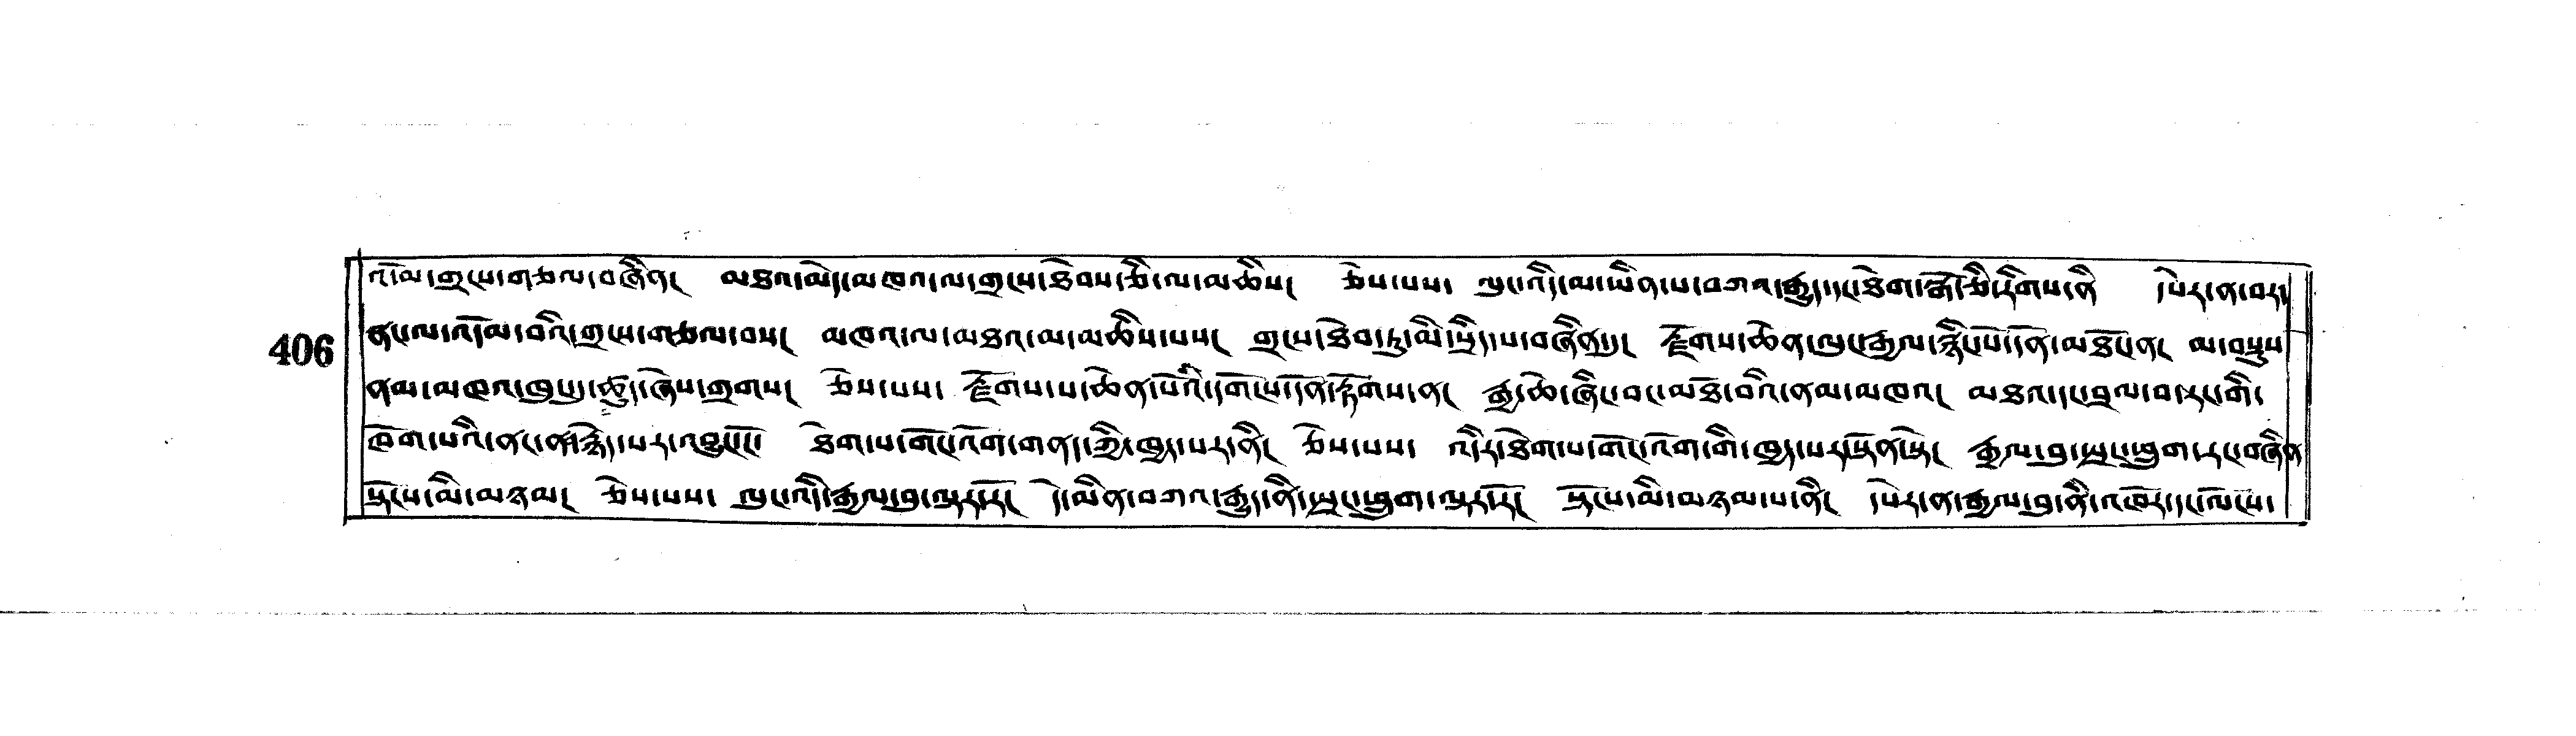འདོམ་གྲངས་གཅལ་བཞིན། མཐའ་མེད་མཁའ་ལ་གྲངས་ཐེབས་ཅི་ལ་མཆིས། ཅེས་པས། ལུང་འདི་མ་ཡིན་པ་བཀའ་བརྒྱུད་དང་ཐེག་སྒོ་ཅི་རིགས་ནི། དཔེར་ན། བར་
སྣང་ལ་འདོམ་པའི་གྲངས་གཅལ་བས། མཁའ་ལ་མཐའ་མ་མཆིས་པས། གྲངས་ཐེབས་ཏུ་མི་སྲིད་པ་བཞིན་དུ། རྫོགས་ཆེན་ལུང་རྒྱལ་སྙིང་པོ་དོན་མཐོང་ན། མ་བསྡུས་
ནམ་མཁའ་ཁོངས་སུ་ཆུད་ཅེས་གྲགས། ཅེས་པས། རྫོགས་པ་ཆེན་པོའི་དགོངས་དོན་རྟོགས་ན། རྒྱ་ཆེ་ཞིང་དཔང་མཐོ་བའི་ནམ་མཁའ། མཐའ་དང་བྲལ་བ་རང་གི་
ཁོག་པའི་ནང་ན་རྙེད་པར་འབྱུང་ངོ་། ཐེག་པ་གོང་འོག་གནད་ཀྱི་ཁྱད་པར་ནི། ཅེས་པས། འདིར་ཐེག་པ་གོང་འོག་གི་ཁྱད་པར་སྟོན་ཏེ། རྒྱལ་བུ་སྤྲང་ཕྲུག་རང་བཞིན་
སྟོངས་མི་མཉམ། ཅེས་པས། ལུང་འདི་རྒྱལ་བུ་ལྟར་རོ། དེ་མིན་བཀའ་བརྒྱུད་ནི་སྤྲང་ཕྲུག་ལྟར་རོ། སྟོངས་མི་མཉམ་པ་ནི། དཔེར་ན། རྒྱལ་བུ་ནི་འཁོར་ལོ་དང་ལོངས་